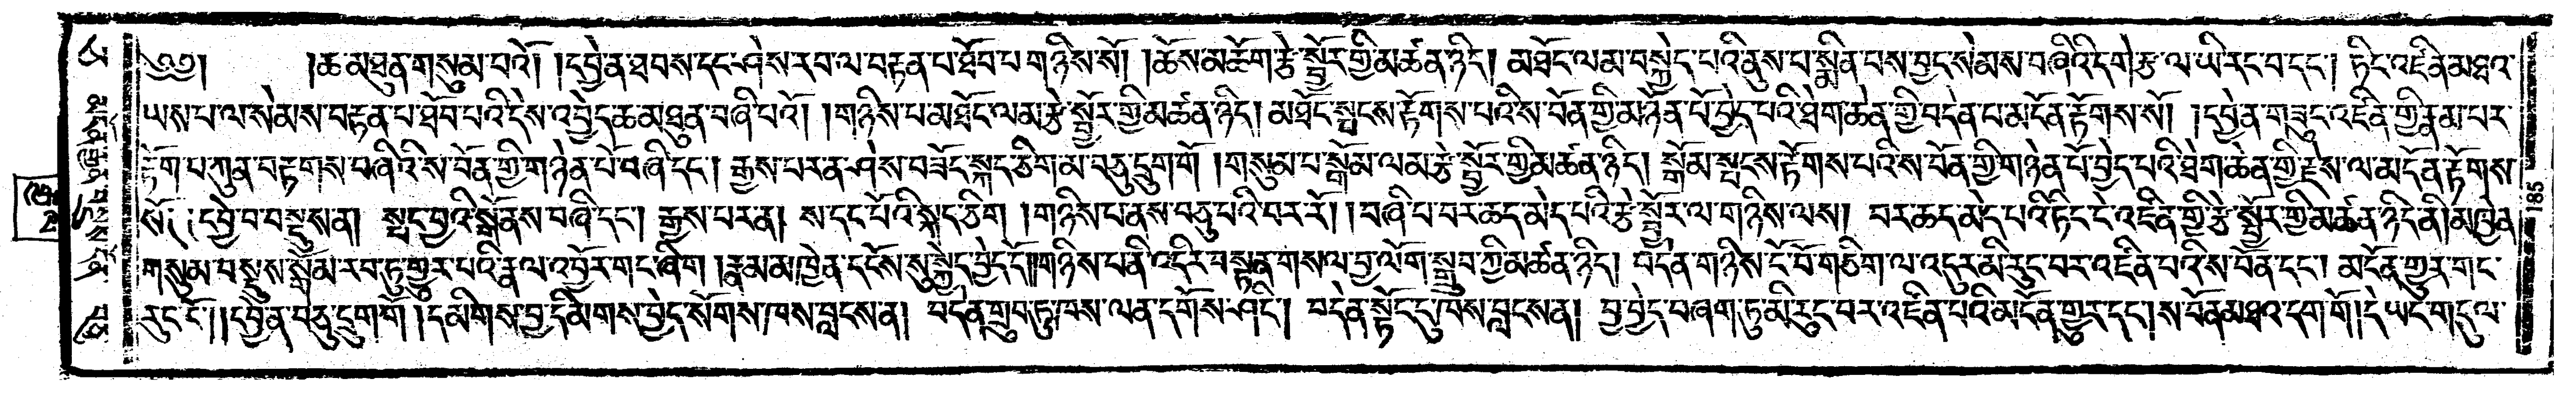༄༅། །ཆ་མཐུན་གསུམ་པའོ། །དབྱེ་ན་ཐབས་དང་ཤེས་རབ་ལ་བརྟན་པ་ཐོབ་པ་གཉིས་སོ། །ཆོས་མཆོག་རྩེ་སྦྱོར་གྱི་མཚན་ཉིད། མཐོང་ལམ་བསྐྱེད་པའི་ནུས་པ་སྨིན་པས་བྱང་སེམས་བཞིའི་དགེ་རྩ་ལ་ཡི་རང་བ་དང་། ཏིང་འཛིན་མཐའ་
ཡས་པ་ལ་སེམས་བརྟན་པ་ཐོབ་པའི་དེས་འབྱེད་ཆ་མཐུན་བཞི་པའོ། །གཉིས་པ་མཐོང་ལམ་རྩེ་སྦྱོར་གྱི་མཚན་ཉིད། མཐོང་སྤངས་རྟོགས་པའི་ས་བོན་གྱི་མཉེན་པོ་བྱེད་པའི་ཐེག་ཆེན་གྱི་བདེན་པ་མངོན་རྟོགས་སོ། །དབྱེ་ན་གཟུང་འཛིན་གྱི་རྣམ་པར་
རྟོག་པ་ཀུན་བརྟགས་བཞིའི་ས་བོན་གྱི་གཉེན་པོ་བཞི་དང་། རྒྱས་པར་ན་ཤེས་བཟོད་སྐད་ཅིག་མ་བཅུ་དྲུག་གོ །གསུམ་པ་སྒོམ་ལམ་རྩེ་སྦྱོར་གྱི་མཚན་ཉིད། སྒོམ་སྤངས་རྟོགས་པའི་ས་བོན་གྱི་གཉེན་པོ་བྱེད་པའི་ཐེག་ཆེན་གྱི་རྗེས་ལ་མངོན་རྟོགས་
སོ། །དབྱེ་བ་བསྡུས་ན། སྤང་བྱའི་སྒོ་ནས་བཞི་དང་། རྒྱས་པར་ན། ས་དང་པོའི་སྐད་ཅིག །གཉིས་པ་ནས་བཅུ་པའི་བར་རོ། །བཞི་པ་བར་ཆད་མེད་པའི་རྩེ་སྦྱོར་ལ་གཉིས་ལས། བར་ཆད་མེད་པའི་ཏིང་ངེ་འཛིན་གྱི་རྩེ་སྦྱོར་གྱི་མཚན་ཉིད་ནི། མཁྱེན་
གསུམ་བསྡུས་སྒོམ་རབ་ཏུ་གྱུར་པའི་རྣལ་འབྱོར་གང་ཞིག །རྣམ་མཁྱེན་དངོས་སུ་སྐྱེད་བྱེད་དོ། །གཉིས་པ་ནི་འདིར་བསྟན་གསལ་བྱ་ལོག་སྒྲུབ་ཀྱི་མཚན་ཉིད། བདེན་གཉིས་ངོ་བོ་གཅིག་ལ་འདུར་མི་རུང་བར་འཛིན་པའི་ས་བོན་དང་། མངོན་གྱུར་གང་
རུང་ངོ། །དབྱེ་ན་བཅུ་དྲུག་གོ །དམིགས་བྱ་དམིགས་བྱེད་སོགས་ཁས་བླངས་ན། བདེན་གྲུབ་ཏུ་ཁས་ལན་དགོས་ཤིང་། བདེན་སྟོང་དུ་ཁས་བླངས་ན། བྱ་བྱེད་བཞག་ཏུ་མི་རུང་བར་འཛིན་པའི་མངོན་གྱུར་དང་། ས་བོན་མཐའ་དག་གོ །དེ་ཡང་གདུལ་